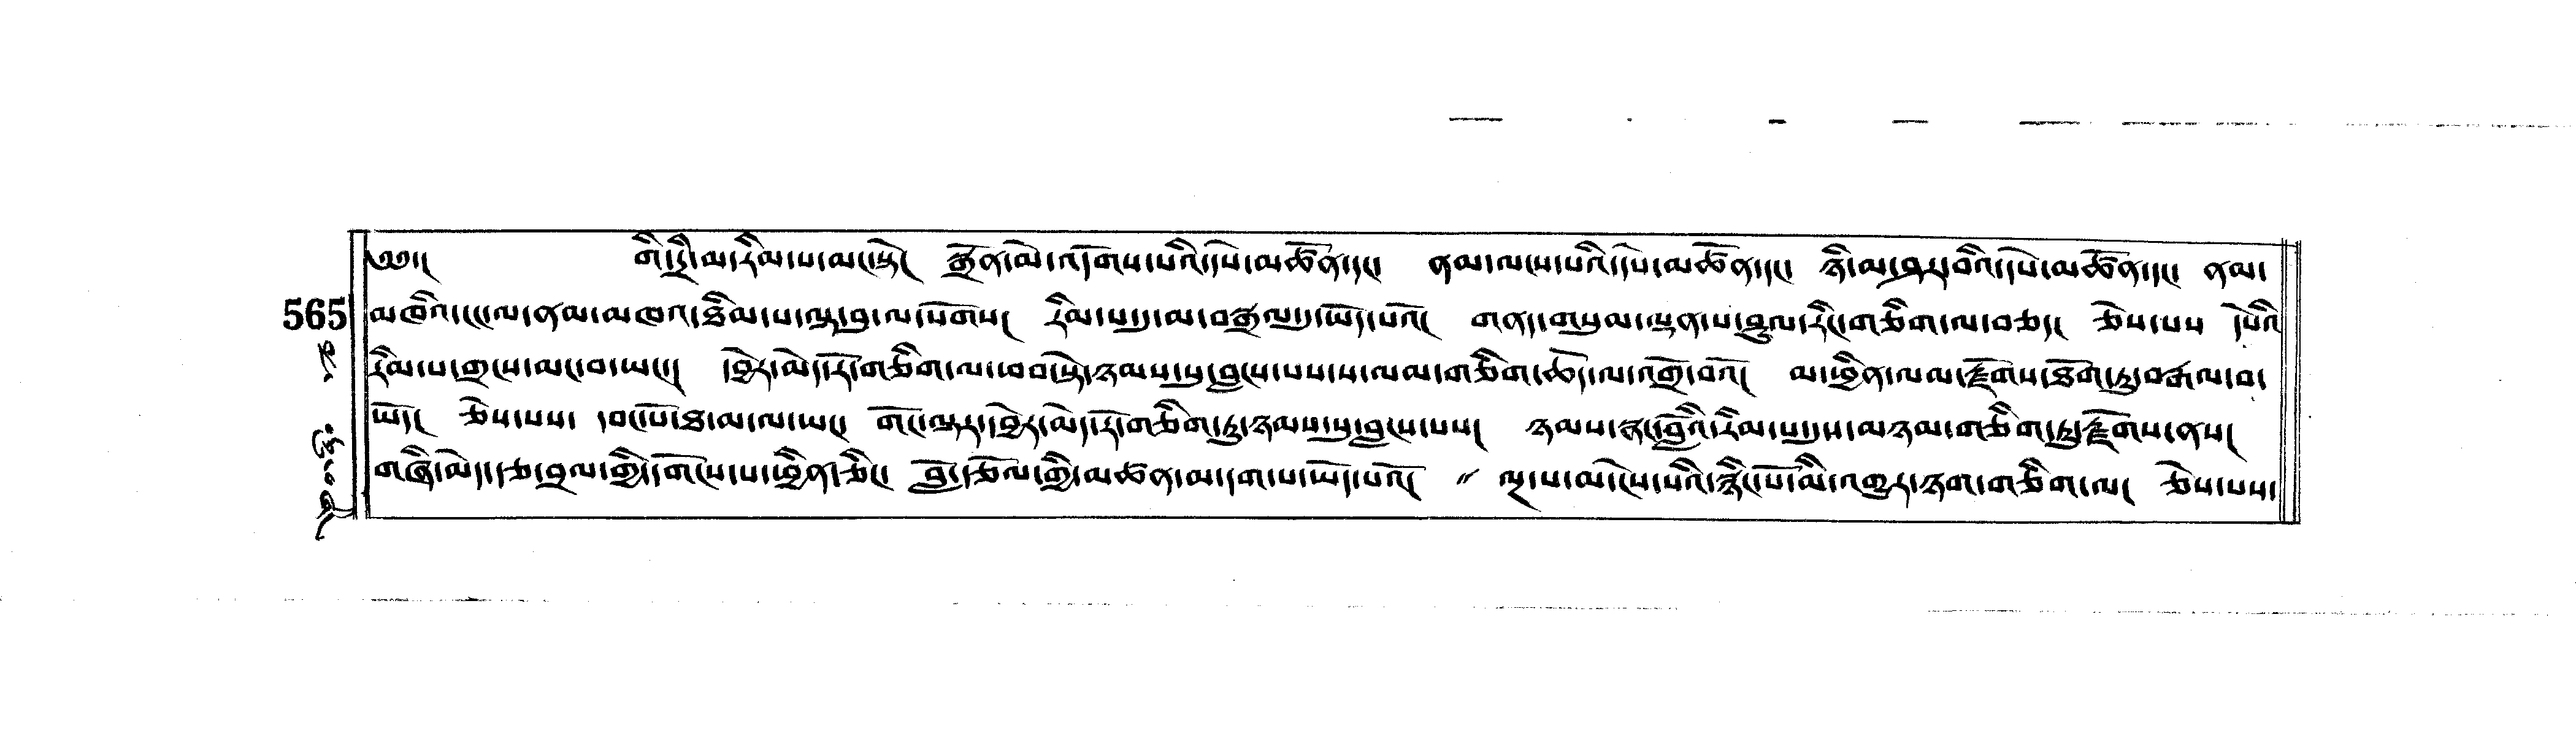གི་དྲི་མ་རིམ་པ་མང་སྟེ། སྒྲོན་མེ་འདོགས་པའི་དཔེ་མཚོན་དང་། ནམ་ལངས་པའི་དཔེ་མཚོན་དང་། ནམ་མཁའི་ངང་ལ་ནམ་
མཁའ་ཐིམ་པ་ལྟ་བུ་ལ་སོགས། རིམ་པ་དུ་མ་བསྒྲལ་དུ་ཡོད་པའོ། གནད་གསུམ་གནད་གསུམ་ལྡན་པ་ཤུལ་རིང་གཅིག་ལ་བཅད། ཅེས་པས། དཔེའི་
རིམ་པ་གྲངས་མང་བ་ཡང་། དབྱེར་མེད་རོ་གཅིག་ལ་ཕབ་སྟེ་ཉམས་སུ་བླང་བས་ས་ལམ་གཅིག་ཆོད་ལ་འགྲོ་བའོ། མ་ཕྱིན་ལམ་ཕྱོགས་ཐོག་ཏུ་བརྒལ་བ་
ཡོད། ཅེས་པས། དབང་པོ་ཐ་མ་ལ་ཡང་གོང་ལྟར་དབྱེར་མེད་རོ་གཅིག་ཏུ་ཉམས་སུ་བླངས་པས། ཉམས་སྣང་བློ་ཡི་རིམ་པ་དུས་མཉམ་གཅིག་ཏུ་རྫོགས་ནས།
 གཞི་མེད་རྩ་བྲལ་གྱི་དགོངས་པ་ཕྱིན་ཅིང་། བློ་རྩོལ་གྱི་མཚན་མ་དག་པ་ཡོད་པའོ། ༧ ལྔ་པ་མ་ངེས་པའི་སྙིང་པོ་མི་འགྱུར་ཉག་ཅིག་ལ། ཅེས་པས།